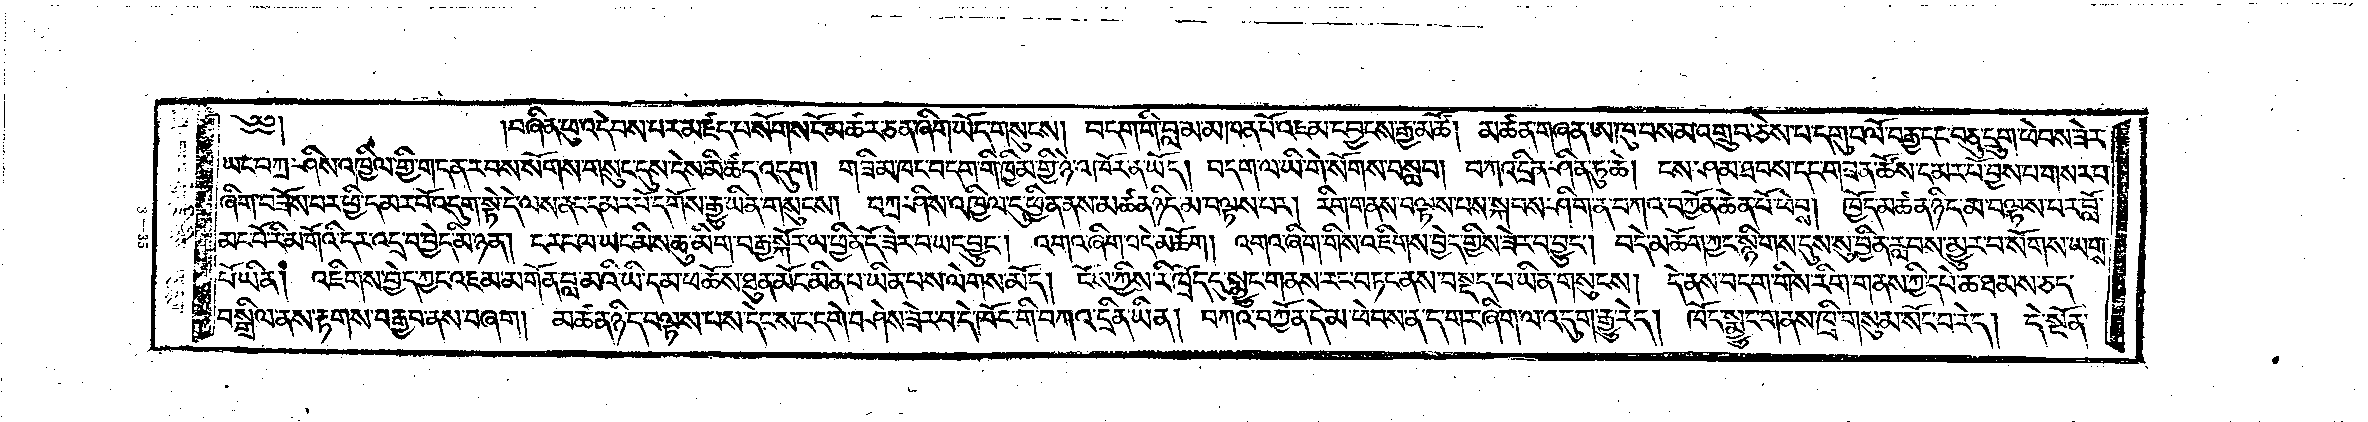༄༅། །བཞིན་ཕུ་འདེབས་པར་མཛད་པ་སོགས་ངོ་མཚར་ཅན་ཞིག་ཡོད་གསུངས། བདག་གི་བླ་མ་མཁན་པོ་འཇམ་དབྱངས་རྒྱ་མཚོ། མཚན་གཞན་ཨ་ཁུ་བསམ་འགྲུབ་ཅེས་པ་དགུང་ལོ་བརྒྱ་དང་བཅུ་དྲུག་ཕེབས་ཟེར་
ཡང་བཀྲ་ཤིས་འཁྱིལ་གྱི་གདན་རབས་སོགས་གསུང་དུས་དེས་མི་ཚད་འདུག། གཟིམ་ཁང་བདག་གི་ཁྱིམ་གྱི་ཉེ་འཁོར་ན་ཡོད། བདག་ལ་ཡི་གེ་སོགས་བསླབ། བཀའ་དྲིན་ཤིན་ཏུ་ཆེ། ངས་ཤམ་ཐབས་དང་གཟན་ཚོས་དམར་པོ་བྱས་པ་གསར་པ་
ཞིག་བཟོས་པར་ཕྱི་དམར་པོ་འདུག་སྟེ་དེ་ལས་ནང་དམར་པོ་དགོས་རྒྱུ་ཡིན་གསུངས། བཀྲ་ཤིས་འཁྱིལ་དུ་ཕྱིན་ནས་མཚན་ཉིད་མ་བལྟས་པར། རིག་གནས་བལྟས་པས་སྐབས་ཤིག་ན་བཀའ་བཀྱོན་ཆེན་པོ་ཕེབས། ཁྱོད་མཚན་ཉིད་མ་བལྟས་པར་བློ་
མང་པོ་རིམ་གོའི་དར་འདྲ་བ་བྱེད་མི་ཉན། ང་རང་ལ་ཡང་མིས་ཆུ་མིག་བརྒྱ་སྐོར་ལ་ཕྱིན་དོ་ཟེར་བ་ཡང་བྱུང་། འགའ་ཞིག་བདེ་མཆོག། འགའ་ཞིག་གིས་འཇིགས་བྱེད་གྱིས་ཟེར་བ་བྱུང་། བདེ་མཆོག་ཀྱང་སྙིགས་དུས་སུ་བྱིན་རླབས་མྱུར་བ་སོགས་ཡགས་
པོ་ཡིན། འཇིགས་བྱེད་ཀྱང་འཇམ་མགོན་བླ་མའི་ཡི་དམ་ཕ་ཆོས་ཐུན་མོང་མིན་པ་ཡིན་པས་ལེགས་མོད། ངོས་ཀྱིས་རི་ཁྲོད་དུ་སྨྱུང་གནས་རང་བཏང་ནས་བསྡད་པ་ཡིན་གསུངས། དེ་ནས་བདག་གིས་རིག་གནས་ཀྱི་དཔེ་ཆ་ཐམས་ཅད་
བསྒྲིལ་ནས་རྟགས་བརྒྱབ་ནས་བཞག། མཚན་ཉིད་བལྟས་པས་དེང་སང་དགེ་བཤེས་ཟེར་བ་དེ་ཁོང་གི་བཀའ་དྲིན་ཡིན། བཀའ་བཀྱོན་དེ་མ་ཕེབས་ན་ད་གར་ཞིག་ལ་འདུག་རྒྱུ་རེད། ཁོང་སྨྱུང་གནས་ཁྲི་གསུམ་སོང་བ་རེད། དེ་སྔོན་